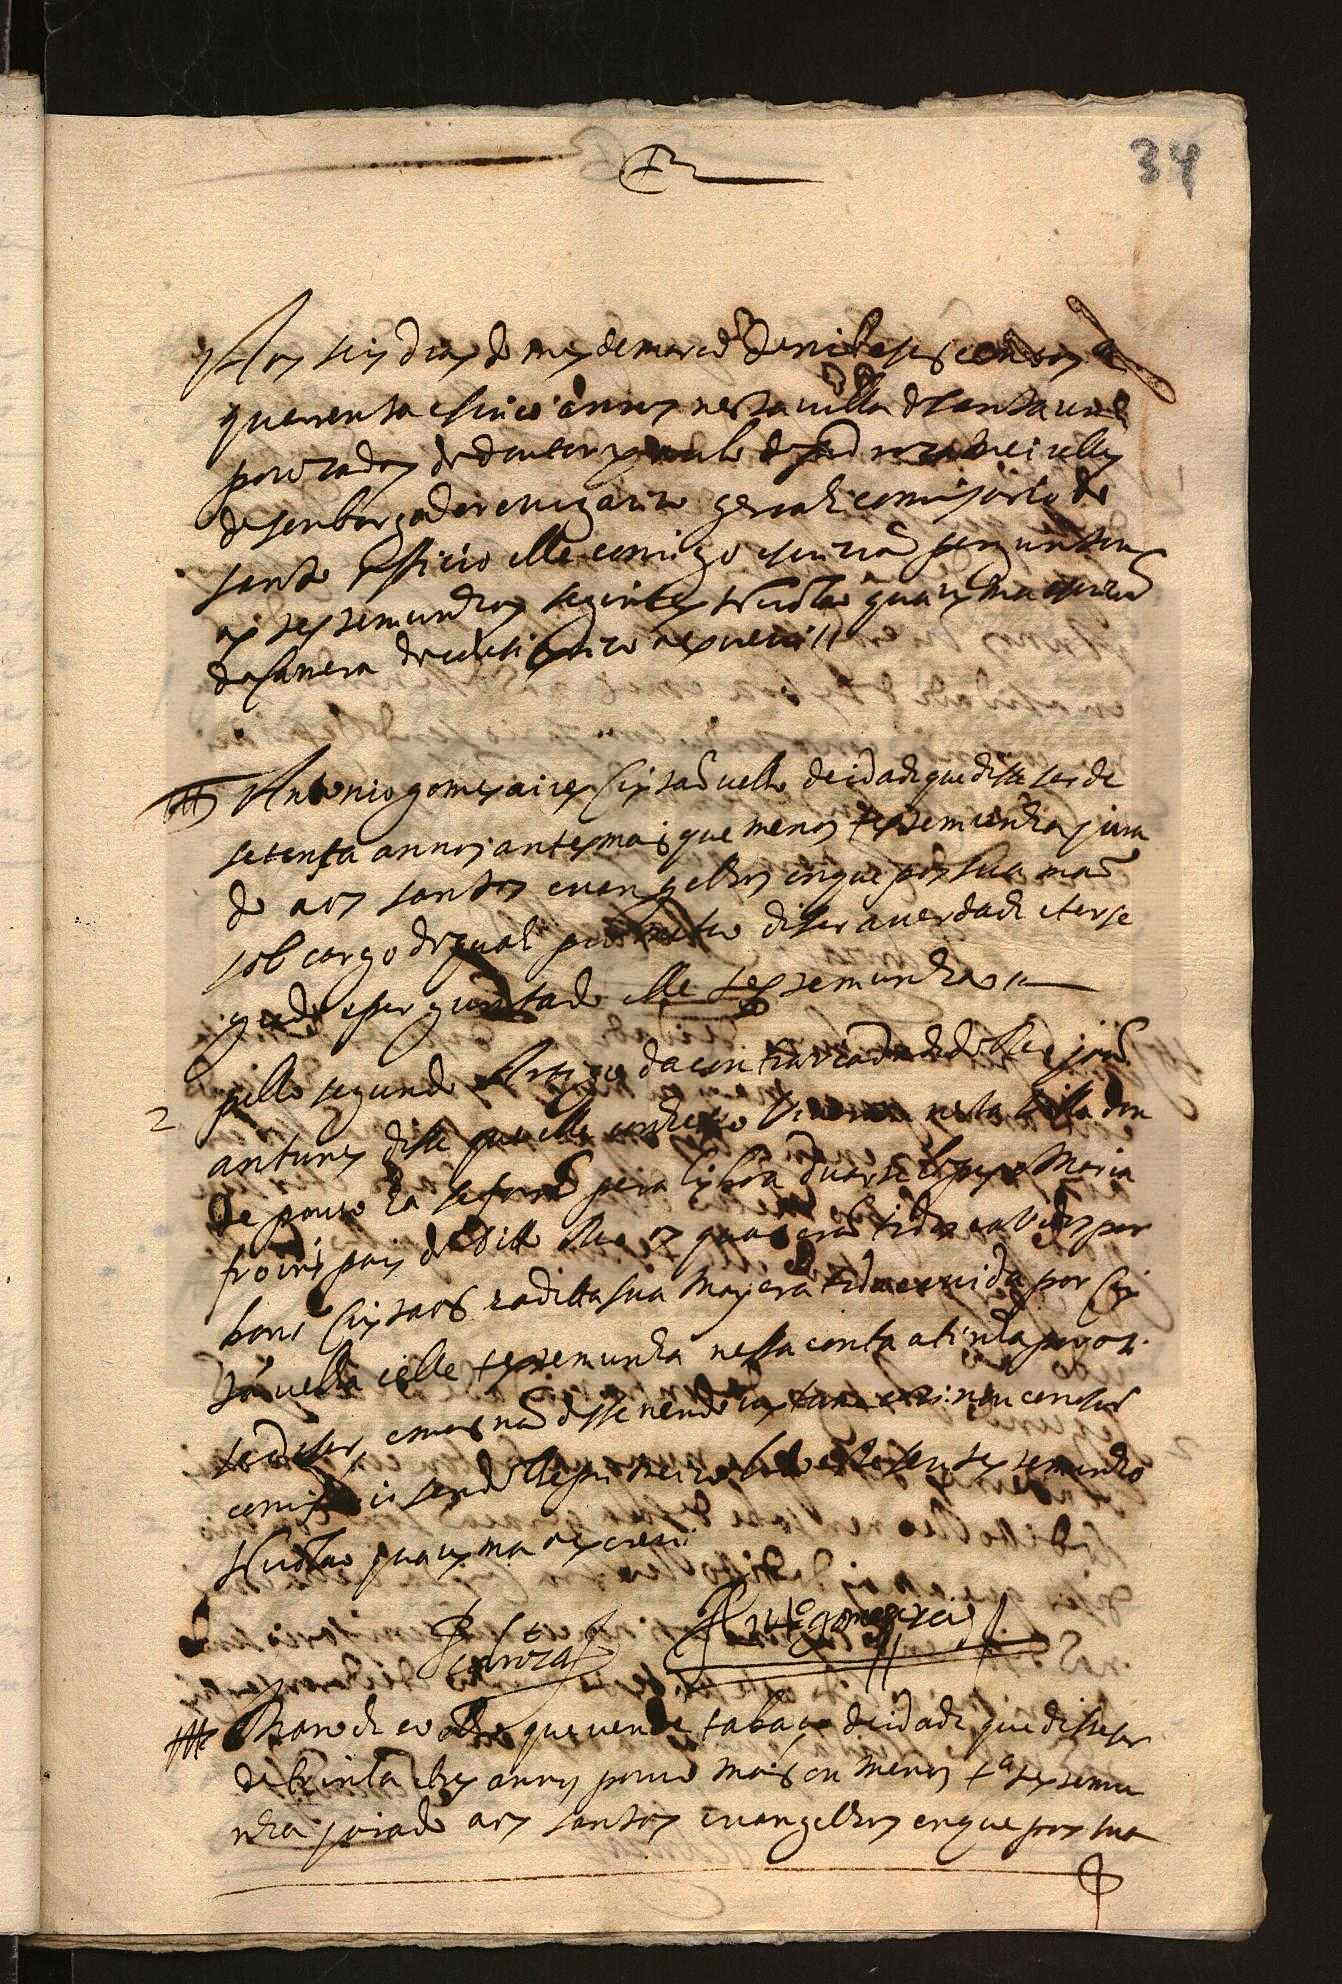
Aos seis dias do mes de março de mil e sescentos e
quarenta e sinco annos nesta uilla d santarem
pouzadas do doutor paulo de pedroza meirelles
desenbargador e uigairo geral comisario do
santo officio elle comigo escriuaõ perguntou
as testemunhas segintes Nicolao quaresma escriuā
da Camera do eclesiastico o escreui //
item Antonio gomes aires Cristaõ uelho de idade que disse ser de
setenta annos antes mais que menos testemunha jura
do aos santos euangelhos en que pos sua maõ
sob cargo do qual prometeo diser a uerdade e ter se
gredo e perguntado elle testemunha //
2 pello segundo Artigo da contrariadade do Reo joaõ
antunes disse que elle conheseo Viueram nesta villa don
de pouco ha se foraõ pera lisboa duarte lopes e Maria
froins pais do ditto Reo os qua_ eraõ tidos e avidos por
bons Cristaõs e a ditta sua may era tida e auida por Cris
tā uelha e elle testemunha nessa conta a tinha per asi
se diser, e mais naõ disse nen do custume e asinou con o sor
comisario sendolhe primeiro lido este seu testemunho
Nicolao quaresma o escreui
Anto gomes reis
Pedroza
item Manoel coelho que uende tabaco de idade que disse ser
de trinta e tres annos pouco mais ou menos ta testemu
nha jurado aos santos euangelhos en que pos sua
